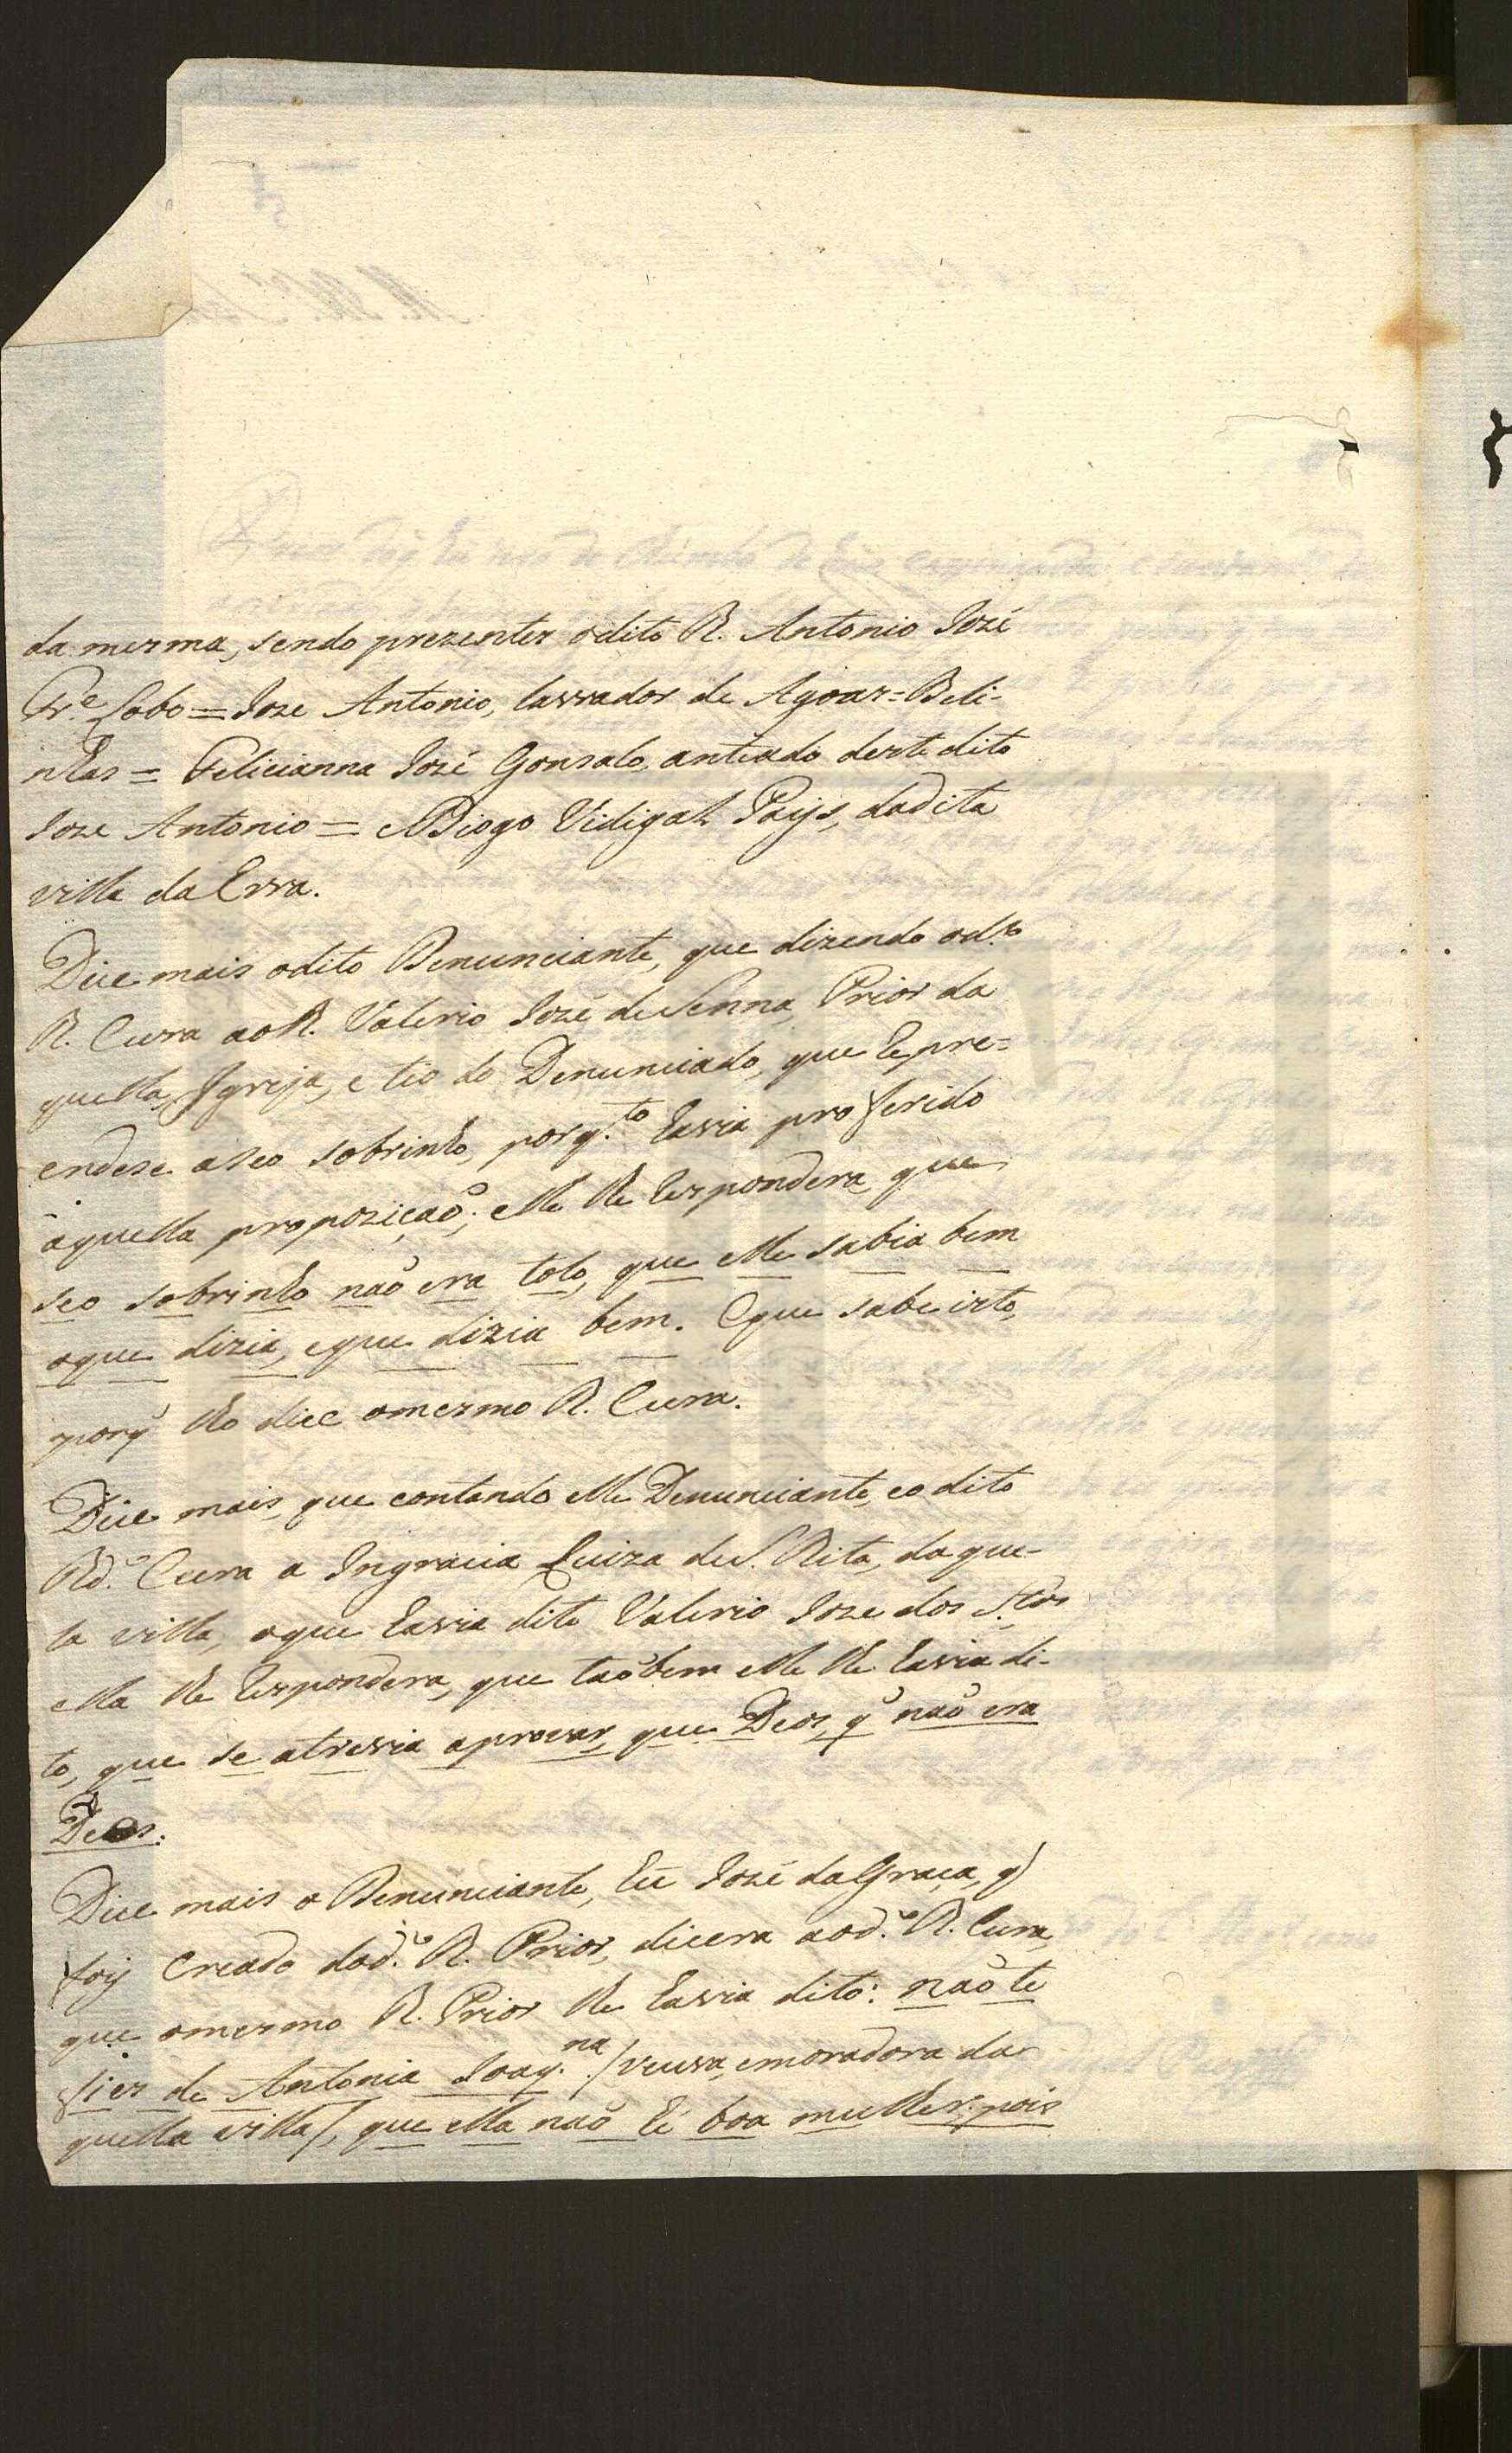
da mezma, sendo prezentes o dito R. Antonio Iozé
Fr.e Lobo = Ioze Antonio, lavrador de Agoaz= Beli
nhas - Felicianna Iozé Gonsalo anteado dezte dito
Ioze Antonio = Diogo VidigaL Pays, da dita
villa da Erra.
Dice mais o dito Denunciante, que dizendo o d.o
R. Cura ao R. Valerio Iozé de Senna, Prior da
quella Jgreja, e tio do Denunciado, que Repre
endese a seo sobrinho, porq.to havia proferido
aquella propoziçaõ, elle lhe Respondera, que
seo sobrinho naõ era tolo, que elle sabia bem
o que dizia, e que dizia bem. E que sabe isto,
porq̄ lho dice o mezmo R. Cura.
Dice mais, que contando elle Denunciante, e o dito
Rd.o Cura a Ingracia Luiza de S. Rita, daque
la villa, o que havia dito Valerio Ioze dos S.tos
ella lhe Respondera, que taõbem elle lhe havia di
to que se atrevia a provar, que Deos q̄ naõ era
Deos.
Dice mais o Denunciante, hū Iozé da Graça, q̄
foy creado do d.o R. Prior, dicera ao d.o R. Cura,
que o mesmo R. Prior lhe havia dito: naõ te
fies de Antonia Ioaq.na/ veuva, e moradora da
quella villa/, que ella naõ hé boa mulher, pois
